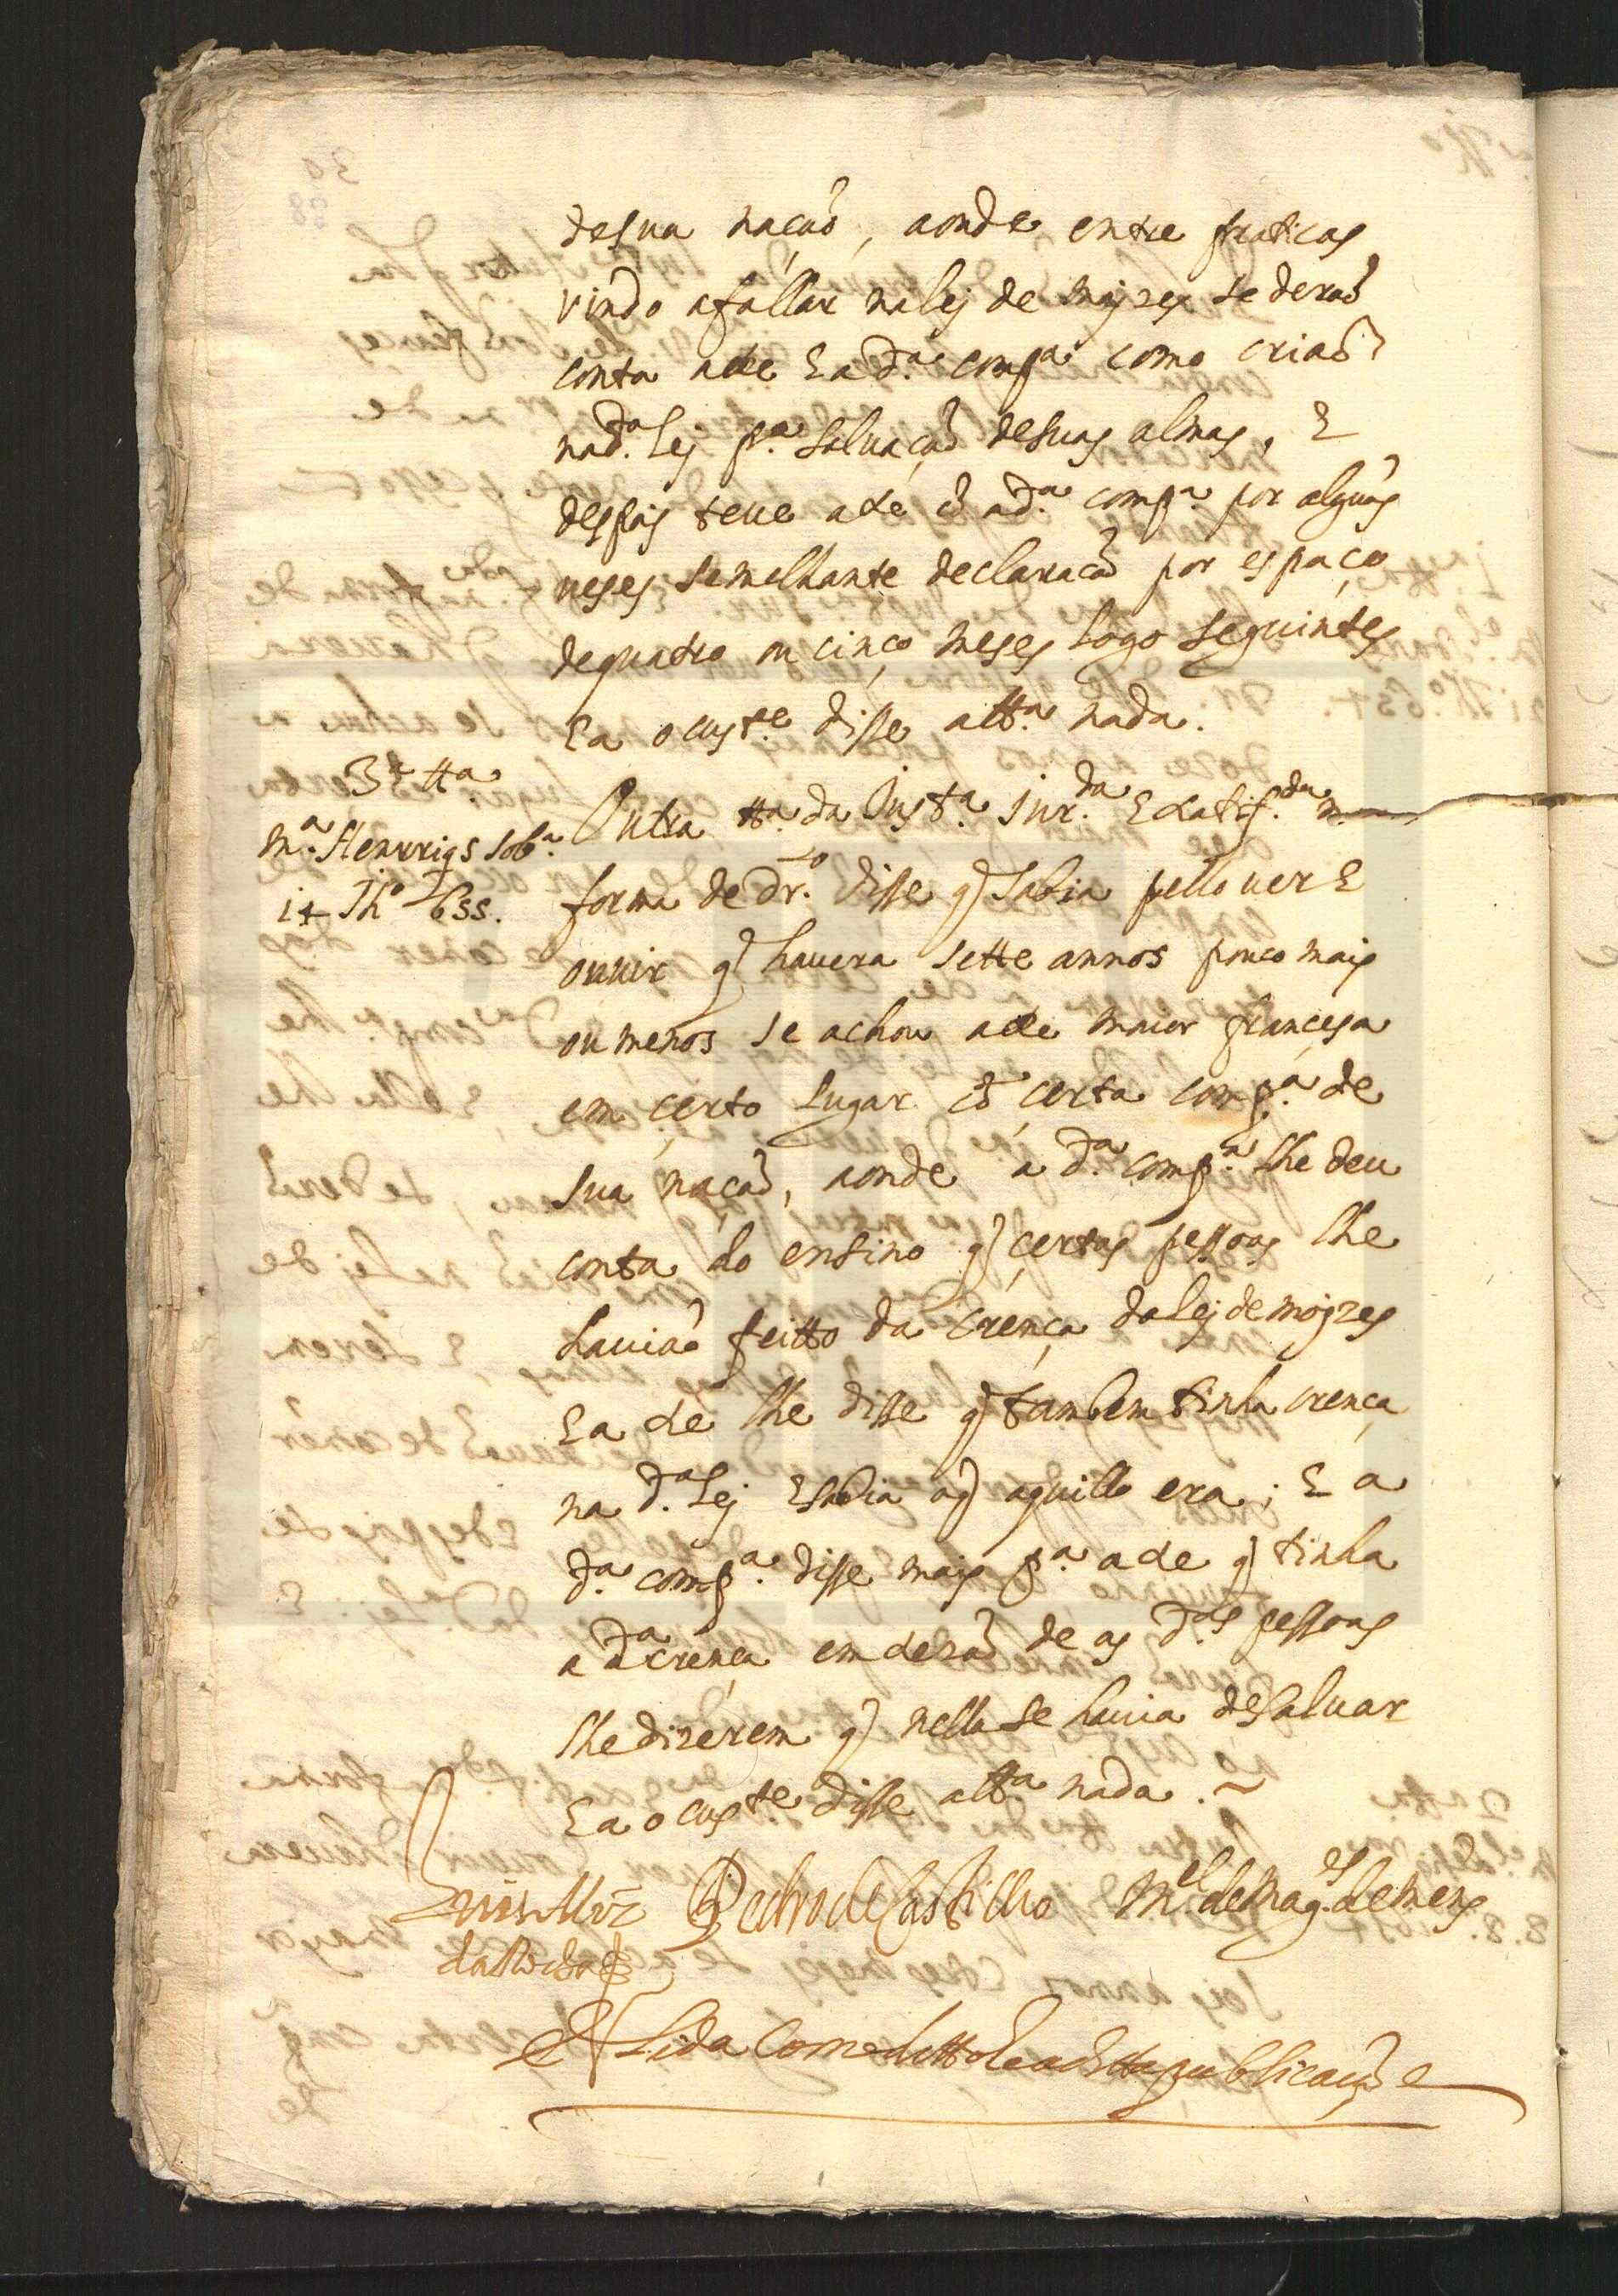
de sua naçaõ, aonde entre praticas
vindo a fallar na lej de moyzes se deraõ
conta a re E a d̄.a compa como criaõ
na d̄.a lej p.a saluaçaõ de suas almas, E
despois teue a re cō a d̄.a compa. por alguās
ueses semelhante declaraçaõ por espaço
de quatro ou cinco meses logo seguintes
E ao cust.e disse a tt.a nada.
3a tta.
Ma. Henrriꝗs soba.
Outra tta. da Iust.a Iur.da E ratif.da
forma de dr.to disse q̄ sabia pello uer E
14 Jho 655.
ouuir q̄ hauera sette annos pouco mais
ou menos se achou a Re maior francesa
em certo lugar cō certa comp.a de
sua naçaõ, aonde a d̄.a comp.a lhe deu
conta do ensino q̄ certas pessoas lhe
hauiaõ feitto da crença da lej de moyzes
E a re lhe disse q̄ tambem tinha crença
na d̄.a Lej E sabia o q̄ aquillo era; E a
d̄.a compa. disse mais p.a a re q̄ tinha
a d̄a crença em rezaõ de as d̄.as pessoas
lhe dizerem q̄ nella se hauia de saluar
E ao custe. disse a tta nada.
Luis Aluz̄ Pedro de Castilho Mel. de Mag.es de men̄s.
da Rocha
E lida como ditto he a ditta publicaçaõ e
